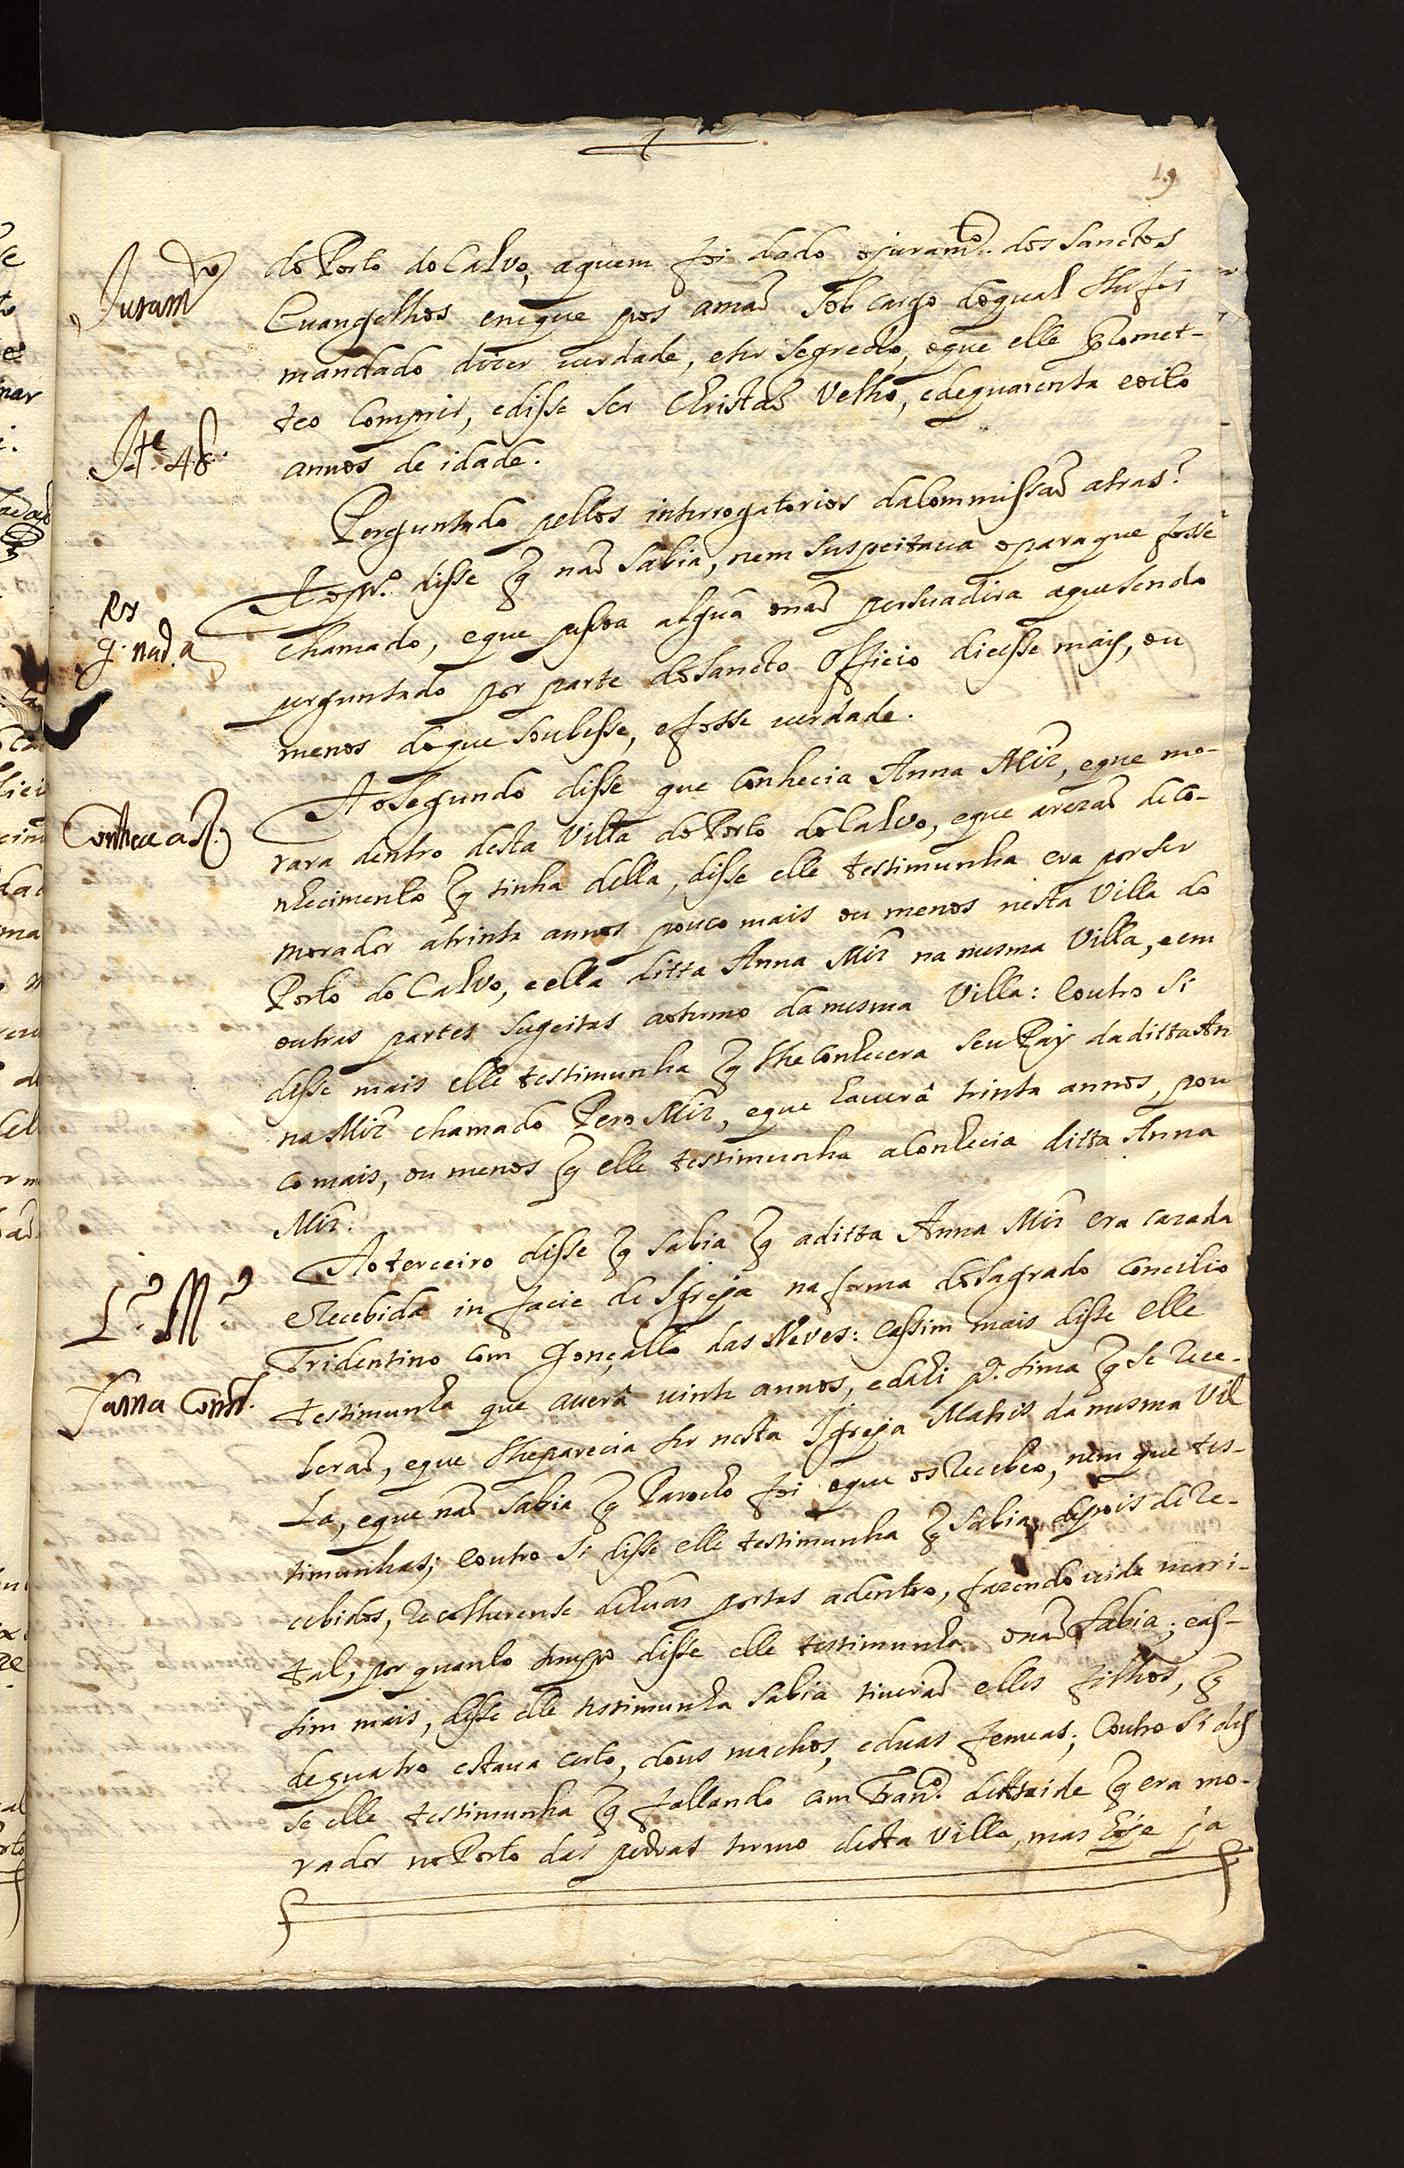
Juramto
Jd̄e. 48.
Rs
g. nad.a
Conhece a R.
1.o M.o
fassa const.
do Porto do Calvo, a quem foi dado o juramto. dos Sanctos
Euangelhos em que pos a maõ sob cargo do qual lhe foi
mandado dizer uerdade, e ter segredo, e que elle promet
teo Comprir, e disse ser Christaõ velho, e de quarenta e oito
annos de idade.
Perguntado pellos interrogatorios da Commissaõ atras?
Ao pr.o disse q̄ naõ sabia, nem suspeitaua o para que fosse
chamado, e que pessoa alguā o naõ persuadira a que sendo
perguntado por parte do Sancto Officio dicesse mais, ou
menos do que soubesse, e fosse uerdade.
Ao Segundo disse que conhecia Anna Miz̄, e que mo
rara dentro desta Villa do Porto do Calvo, e que a rezaõ de co
nhecimento q̄ tinha della, disse elle testimunha era por ser
morador a trinta annos pouco mais ou menos nesta Villa do
Porto do Calvo, e ella ditta Anna Miz̄ na mesma Villa, e em
outras partes sugeitas ao termo da mesma Villa: E outroSi
disse mais elle testimunha q̄ lhe conhecera seu Pay da ditta An
na Miz̄ chamado Pero Miz̄, e que hauerá trinta annos, pou
co mais, ou menos q̄ elle testimunha a Conhecia ditta Anna
Miz̄.
Ao terceiro disse q̄ sabia q̄ a ditta Anna Miz̄ era cazada
e Recebida in facie de Igreja na forma do sagrado concilio
Tridentino com Gonçallo das Neves: e assim mais disse elle
testimunha que auerá uinte annos, e dahi p.a sima q̄ se Rece
beraõ, e que lhe parecia ser nesta Igreja Matris da mesma Vil
La, e que naõ sabia q̄ Parocho foi o que os Recebeo, nem que tes
timunhas; e outro si disse elle testimunha q̄ sabia depois de Re
cebidos, Recolherense de huās portas adentro, fazendo uida mari
tal, por quanto tempo disse elle testimunha o naõ sabia; e as
sim mais, disse elle testimunha sabia tiuerão elles filhos, q̄
de quatro estaua certo, dous machos, e duas femeas; E outro si dis
se elle testimunha q̄ fallando com Fran.co de Ataide q̄ era mo
rador no Porto das pedras termo desta villa, mas hoje ja
